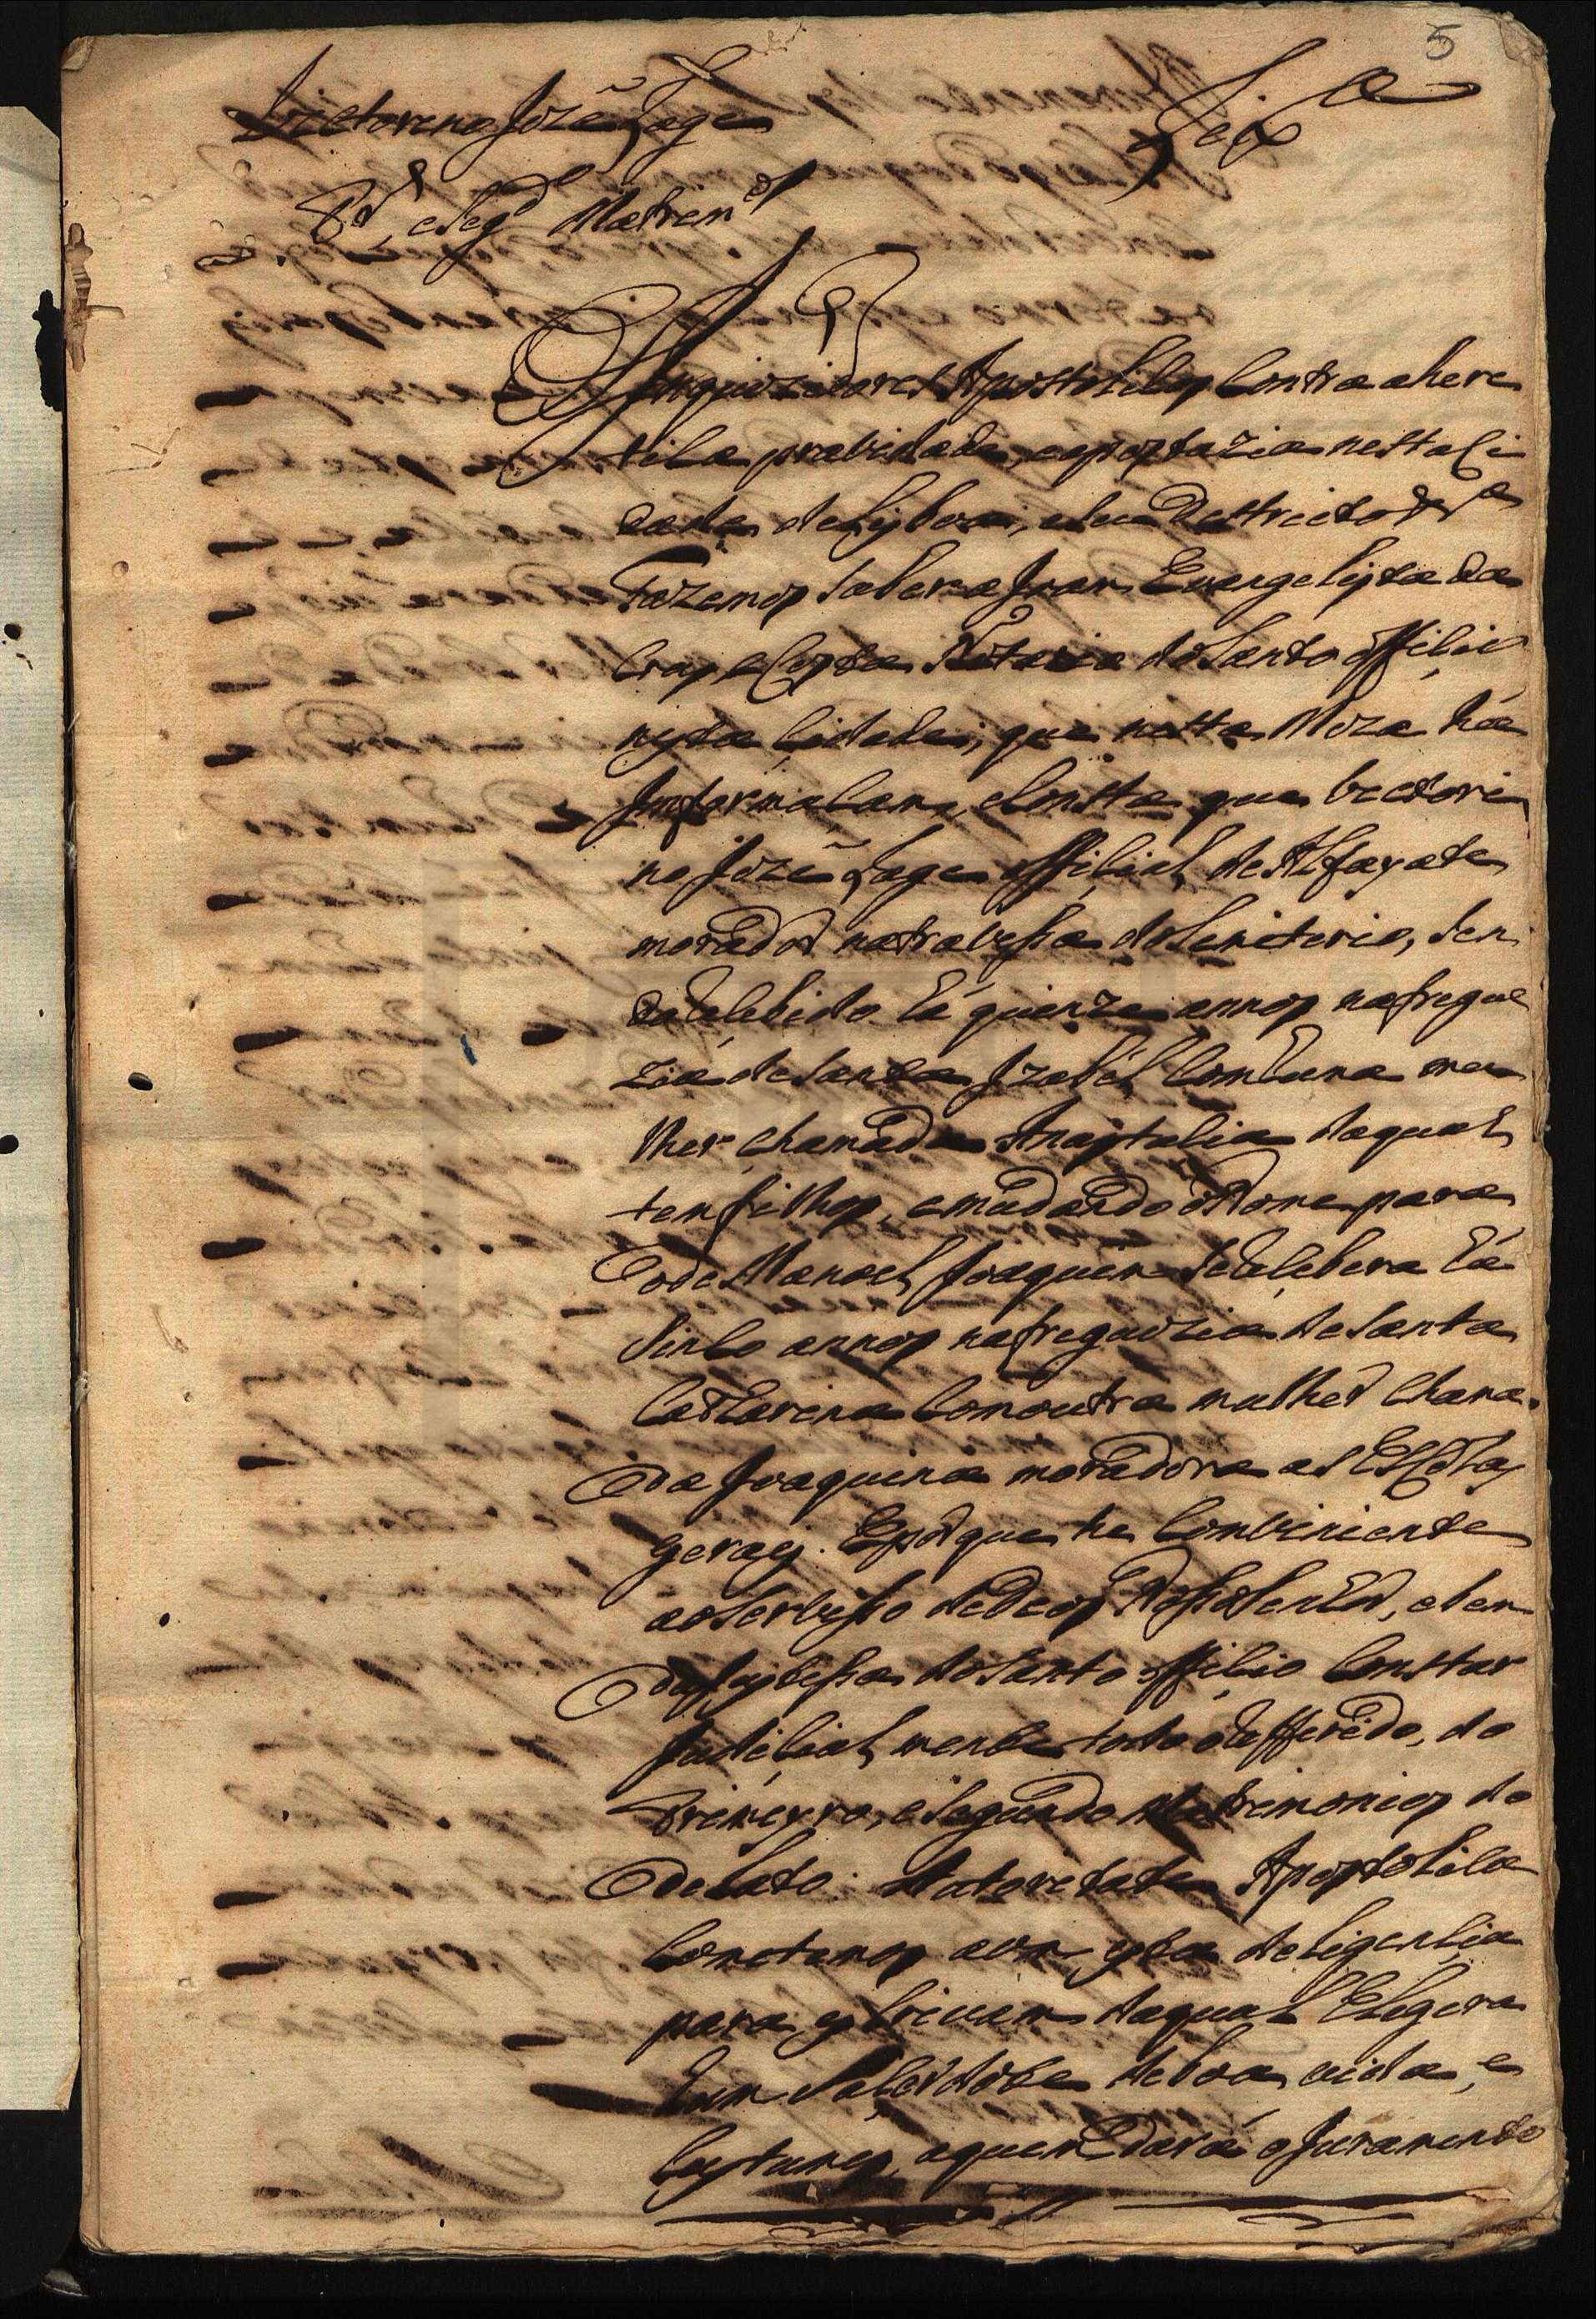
Victorino Jozé Lage
Lixa
Pro, e Segdo Matrimo
Os Jnquizidores Apostolicos Contra a here
tiCa pravidade, e apoztazia nesta Ci
dade de Lisboa; e seu Destricto &ra
Fazemos saber a Joan Evangelista da
Crus e Costa Notario do Santo offiçio
nesta Çidade; que nesta Meza há
JmformaÇam, e Consta que Victori
no Jozé Lage offiÇial de Alfayate,
morador na travessa do Semiterio, sen
do Recebido há quinze annos na fregue
zia de Santa Jzabél Com huma mu
lher çhamada AnastaCia da qual
tem filhos, e mudando o nome para
o de Manoel Joaquim se Reçebera há
sinCo annos na freguezia de Santa
Catharina Com outra mulher Chama
da Joaquina moradora as EsColas
geraes. E porque he Coviniente
ao Servisso de Deos Nosso Senhor, e bem
da Justissa do santo offiÇio Constar
JudeÇialmente todo o Refferido, do
Primeyro, e segundo Matrimonios do
deLato: Autoretate ApostoLica
Cometemos a vm esta deLigenÇia
para esCriuam da qual Elegera
hum SaÇerdote de boa vida, e
Custumes, a quem dará o Juramento
